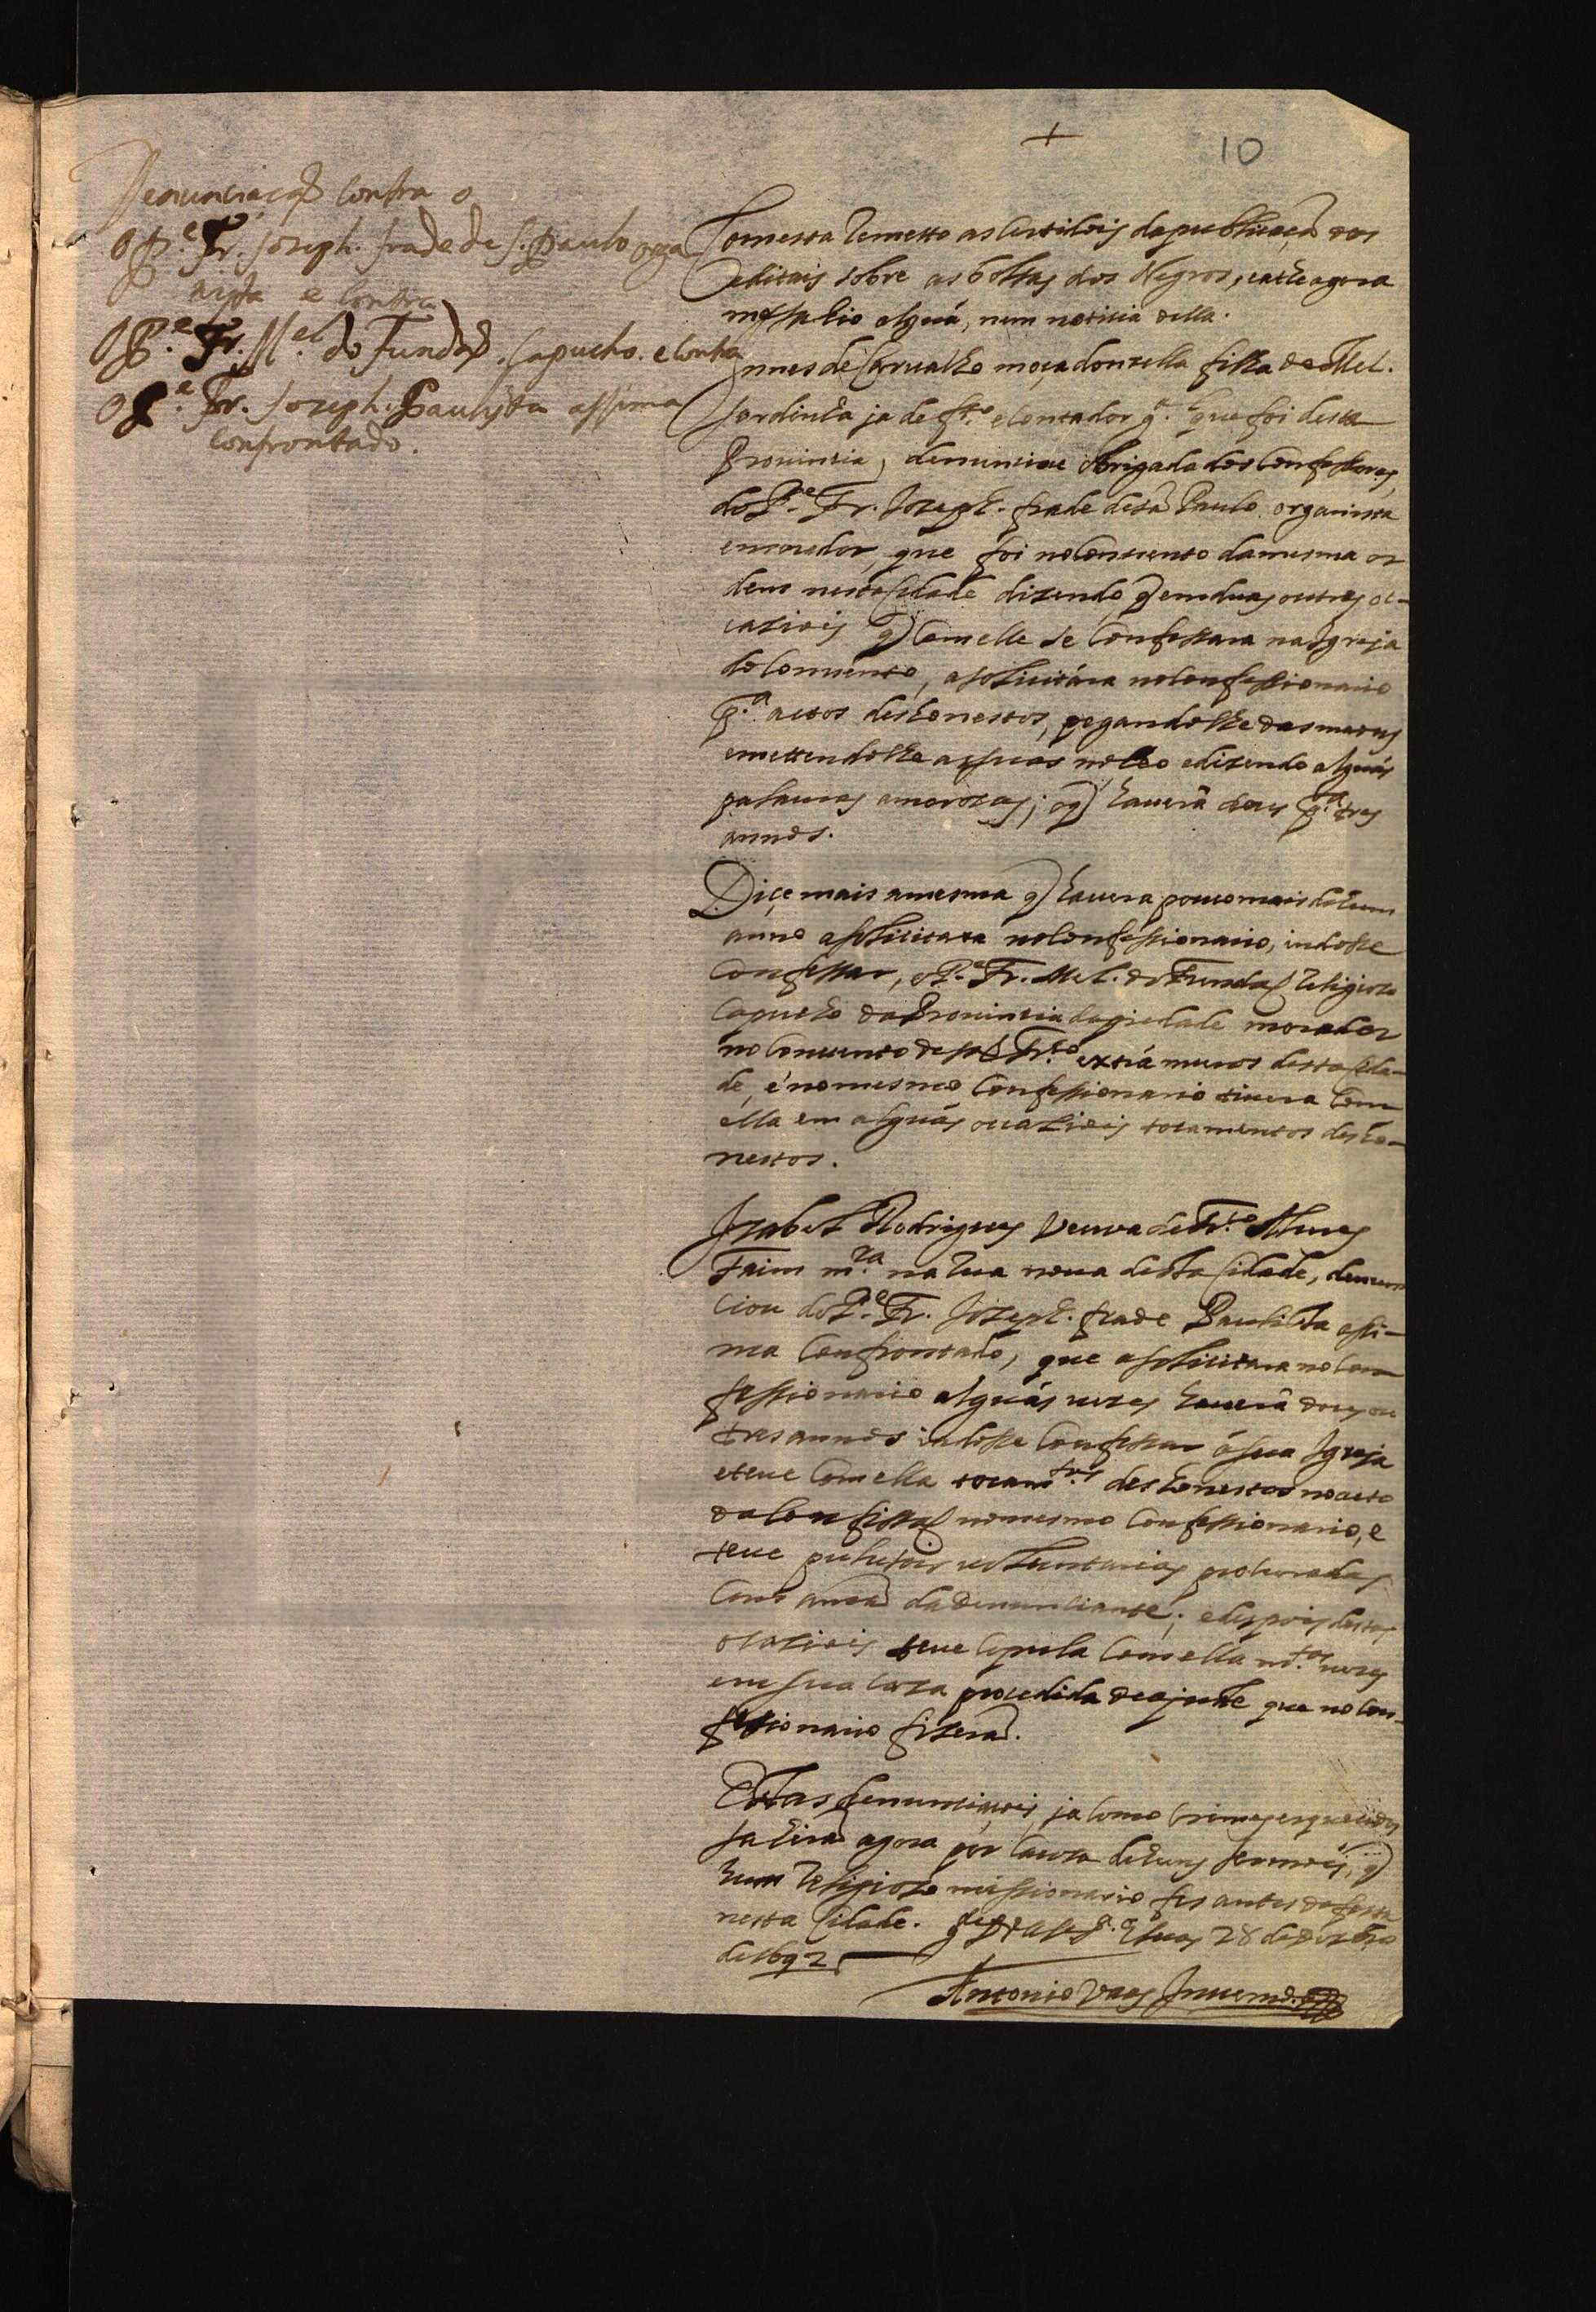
Denunciaçaõ contra o
o p.e Fr. jozeph frade de S. paulo orga
nista e contra
O P.e Fr. M.el do Fundaõ Capucho e contra
O P.e Fr. Jozeph Paulista assima
confrontado.
Com esta Remetto as certidois da publicaçaõ dos
editais sobre as bolsas dos Negros, e athe agora
me sahio alguā, nem noticia della.
Jnnes de Carualho moça donzella filha de Mel
sordinha ja def.to e Contador g.al que foi desta
Prouincia, denunciou obrigada dos Confessores,
do P.e Fr. Iozeph. frade de saõ Paulo organista
e morador, que foi no Conuento da mesma or
dem nesta Cidade dizendo q̄ em duas ou tres oc
caziois q̄ com elle se confessara na Igreja
do Conuento, a solicitára no confessionario
p.a actos deshonestos, pegandolhe das maons
e mettendolhe as suas no ceo e dizendo alguās
palauras amorozas; o q̄ hauerà dous p.a tres
annos.
Dice mais a mesma q̄ hauera pouco mais de hum
anno a solicitara no confessionario, indosse
confessar, o P.e Fr. Mel. do Fundaꝭ Religiozo
Capucho da Prouincia da piedade morador
no Conuento de saõ Fr.co extrá muros desta Cida
de, e no mesmo confessionario tiuera com
ella em alguās occaziois tocamentos desho
nestos.
Jzabel Rodrigues veuva de Fr.co Alures
Faim m.ra na Rua noua desta Cidade, denun
ciou do P.e Fr. Jozeph. frade Paulista assi
ma Confrontado, que a solicitara no con
fessionario alguās uezes hauerá dous ou
tres anos indosse Confessar á sua Igreja
e teue Com ella tocam.tos deshonestos no acto
da Confissaꝭ no mesmo confessionario, e
teue pulusois uoluntarias procuradas
Com a maõ da denunciante; e despois destas
ocaziois teue Copula Com ella m.tas uezes
em sua caza procedida de ajuste que no con
fessionario fizeraõ.
Estas denunciaçois, ja como crimes esquecidos
sahiraõ agora por cauza de huns sermois, q̄
hum Religiozo missionario fes antes da festa
nesta Cidade. gde Ds̄ a v sa. Eluas 28 de Dezbro
de 1692
Antonio Vaas Jnuerno
